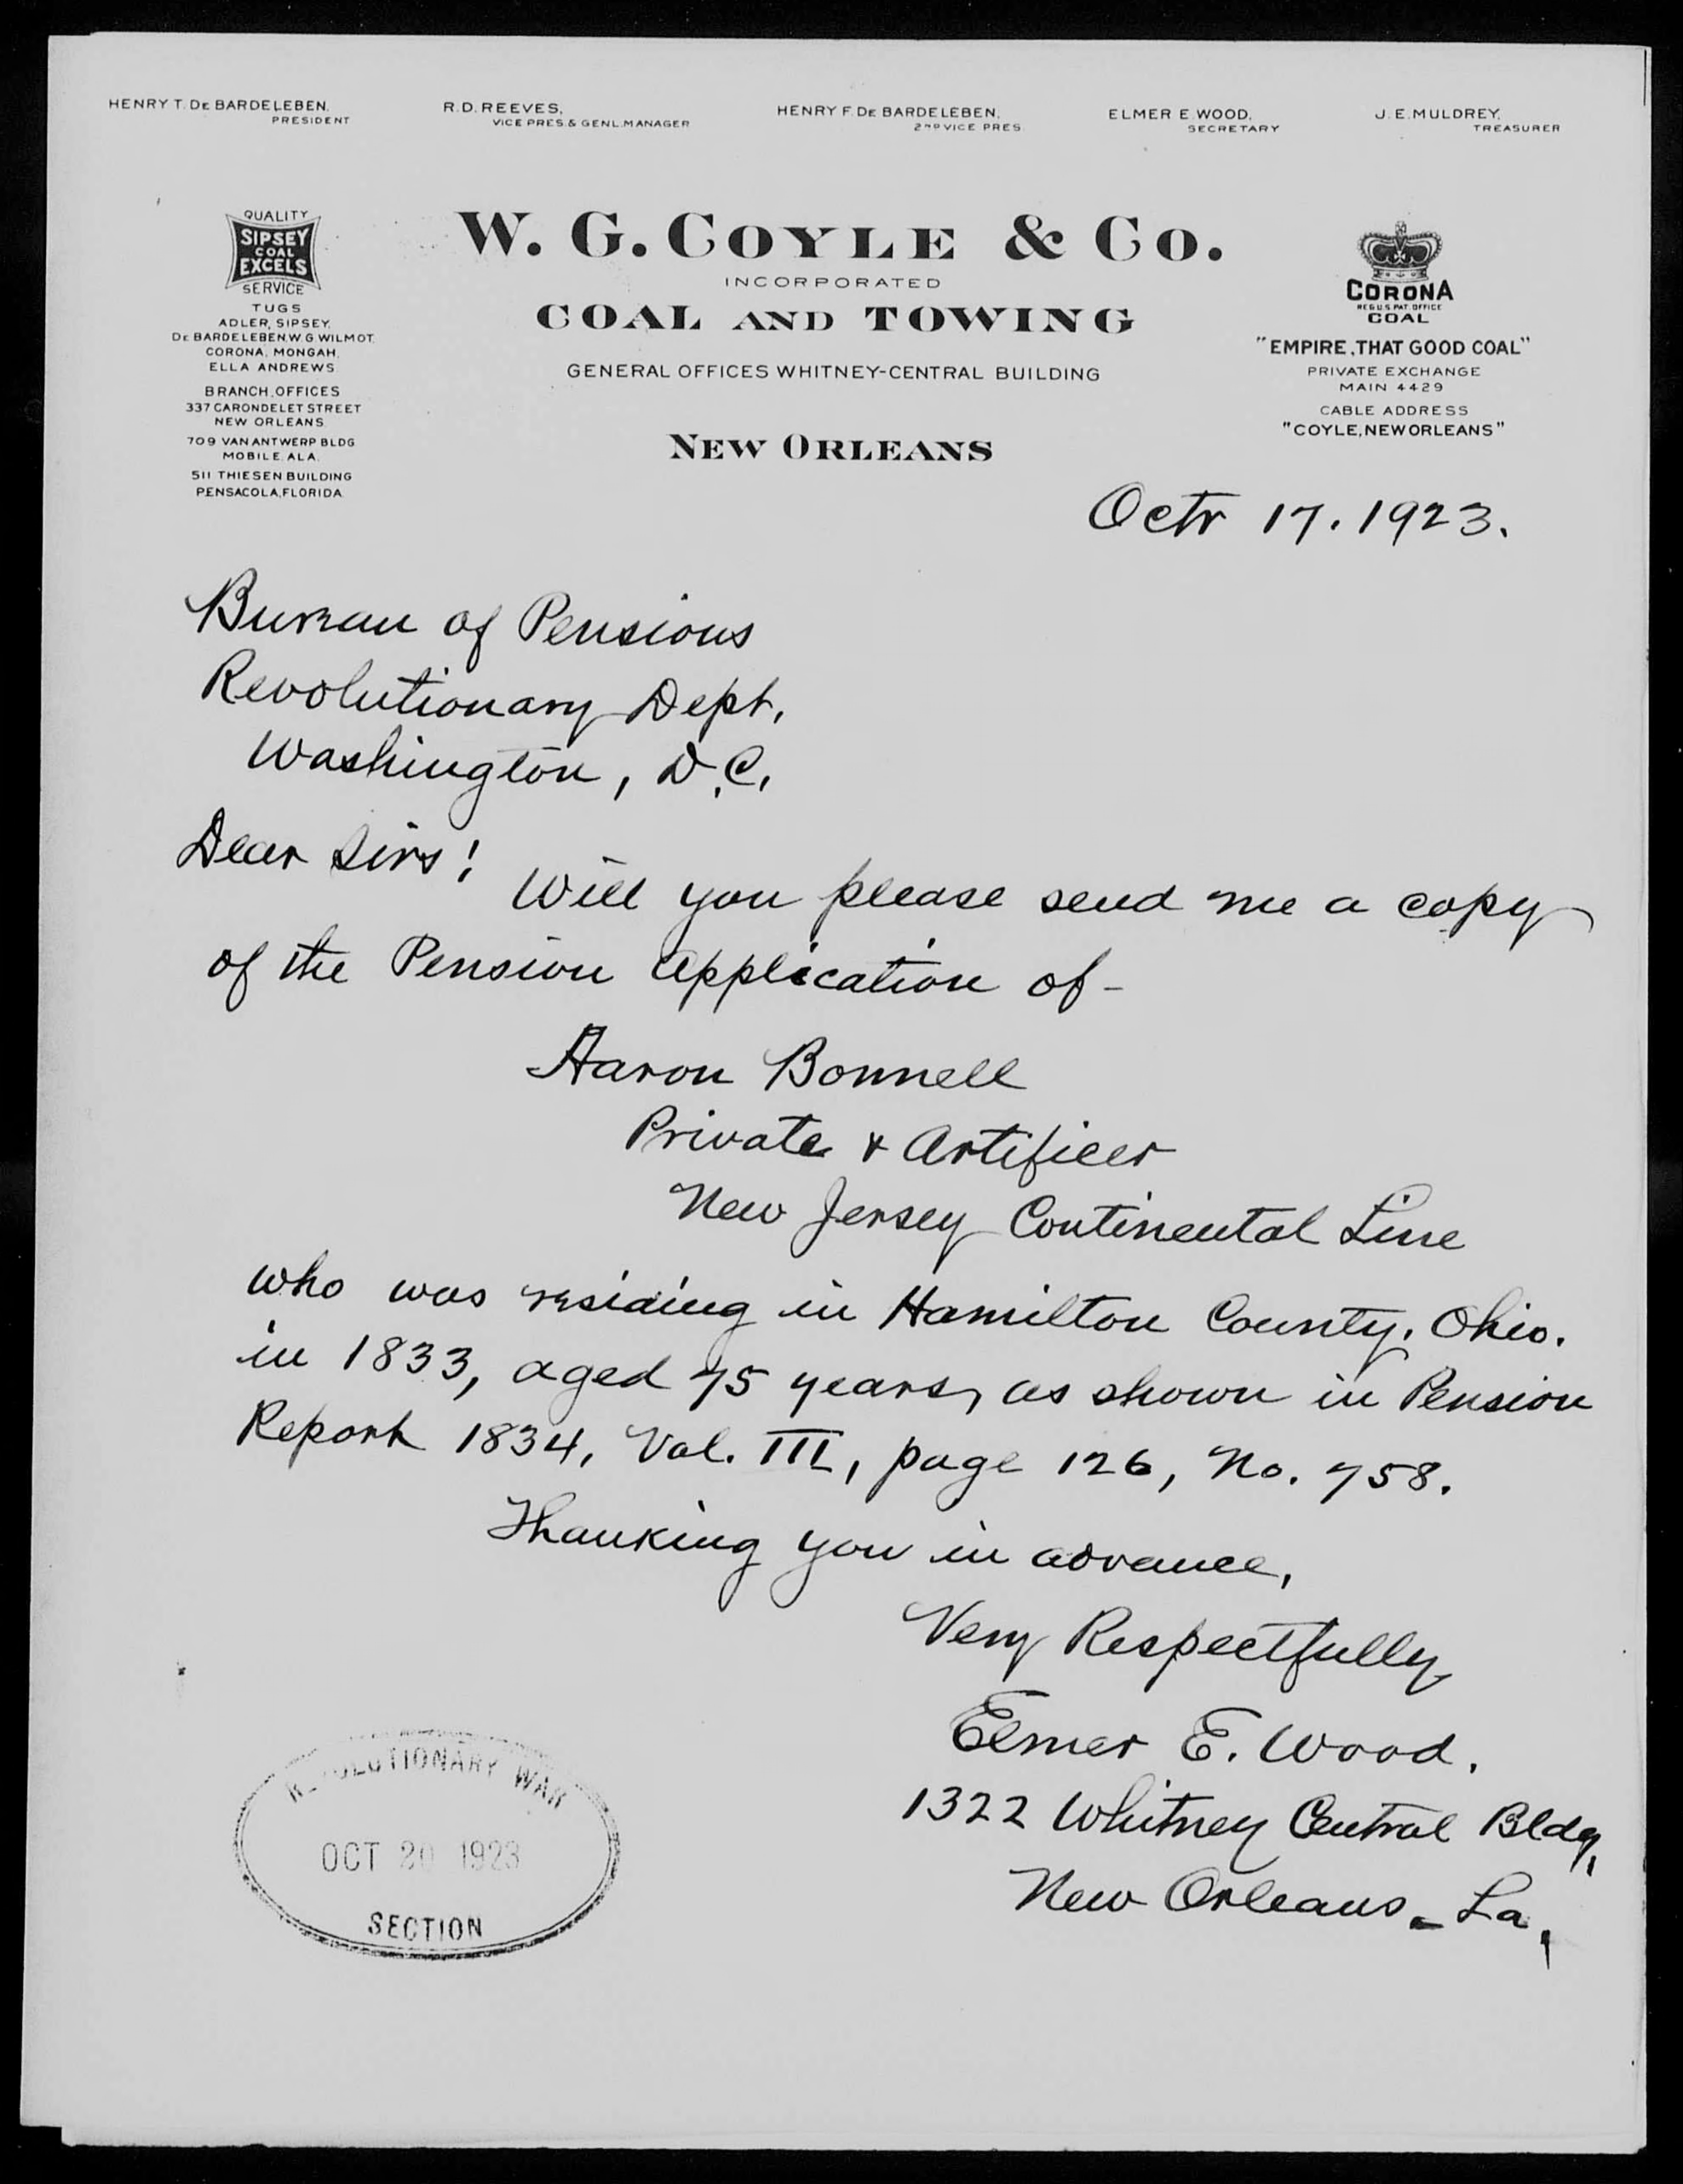Henry T. De Bardeleben President
R.D. Reeves Vice Pres. & Genl Manager
Henry F. De Bardeleben 2nd Vice Pres
Elmer E. Wood Secretary
J.E. Muldrey Treasurer
W.G. Coyle & Co
Incorporated
Coal and Towing
General Offices Whitney-Central Building
New Orleans

Quality
Sipsey Coal Excels
Service
Tugs
Adler, Sipsey, DeBardeleben, W.G. Wilmot, Corona, Mongah, Ella Andrews
Branch Officers
337 Carondelet Street
New Orleans
709 Van Antwerp Bldg
Mobile, Ala.
511 Thiesen Building
Pensacola, Florida

Corona
Reg. U.S. Pat Office
Coal
"Empire, that good Coal"
Private Exchange
Main 4429
Cable Address
"Coyle, New Orleans"

Octr 17, 1923
Bureau of Pensions
Revolutionary Dept.
Washington, D.C.
Dear Sirs:
Will you please send me a copy of the pension application of Aaron Bonnell Private & Artificer New Jersey Continental Line who was residing in Hamilton County, Ohio in 1833, aged 75 years as shown in Pension Report 1834, Vol. III, page 126, No. 758.
Thanking you in advance
Very Respectfully
Elmer E. Wood
1322 Whitney Central Bldg.
New Orleans, LA

Revolutionary War Section
Oct 20 1923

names: Aaron Bonnell, J E Muldrey, Henry T Debardeleben, R D Reeves, Elmer E Wood, Ella Andrews, Henry F Debardeleben, Elmer E Wood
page: 59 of 67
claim: rejected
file: R. 1009, Aaron Bonnel, New Jersey